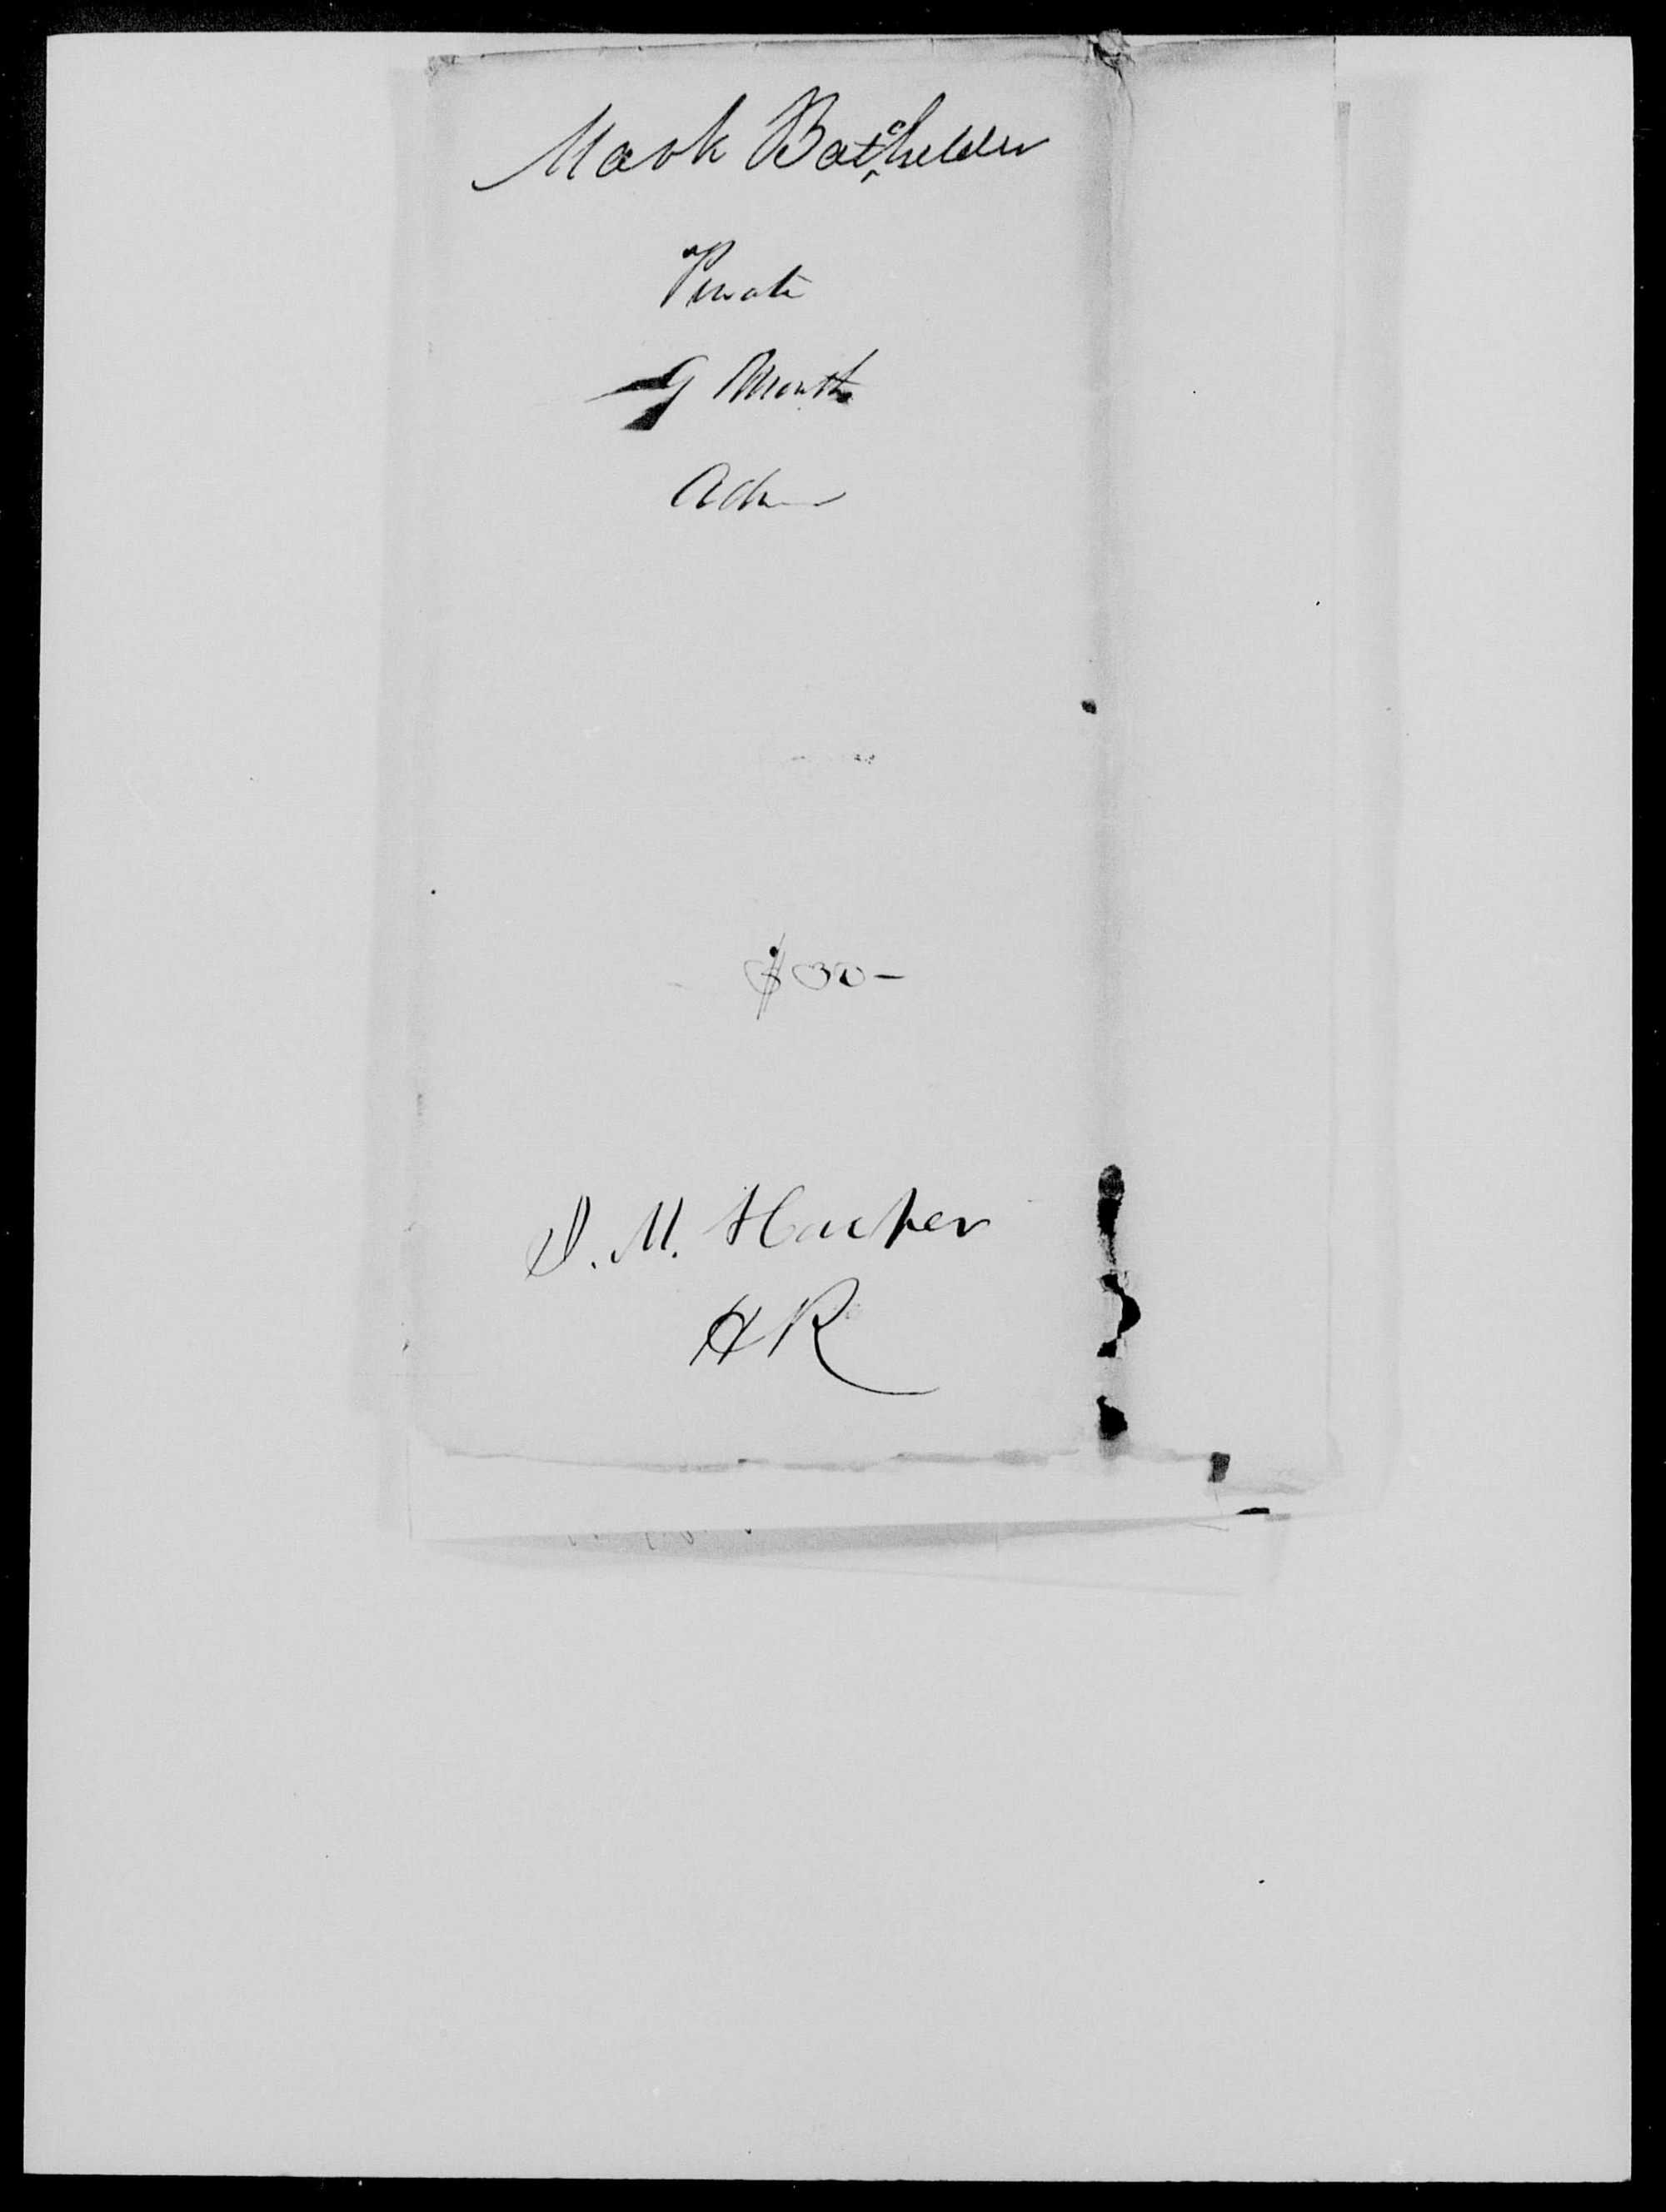Mark Batchelder

Private
9 Months
[illegible]

$30-

[J. or I.] M. [Harper or Hacker or Harker]
H R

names: J M Harper, Mark Batchelder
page: 3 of 11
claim: survivor's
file: S. 15302, Mark Batchelder, N. H